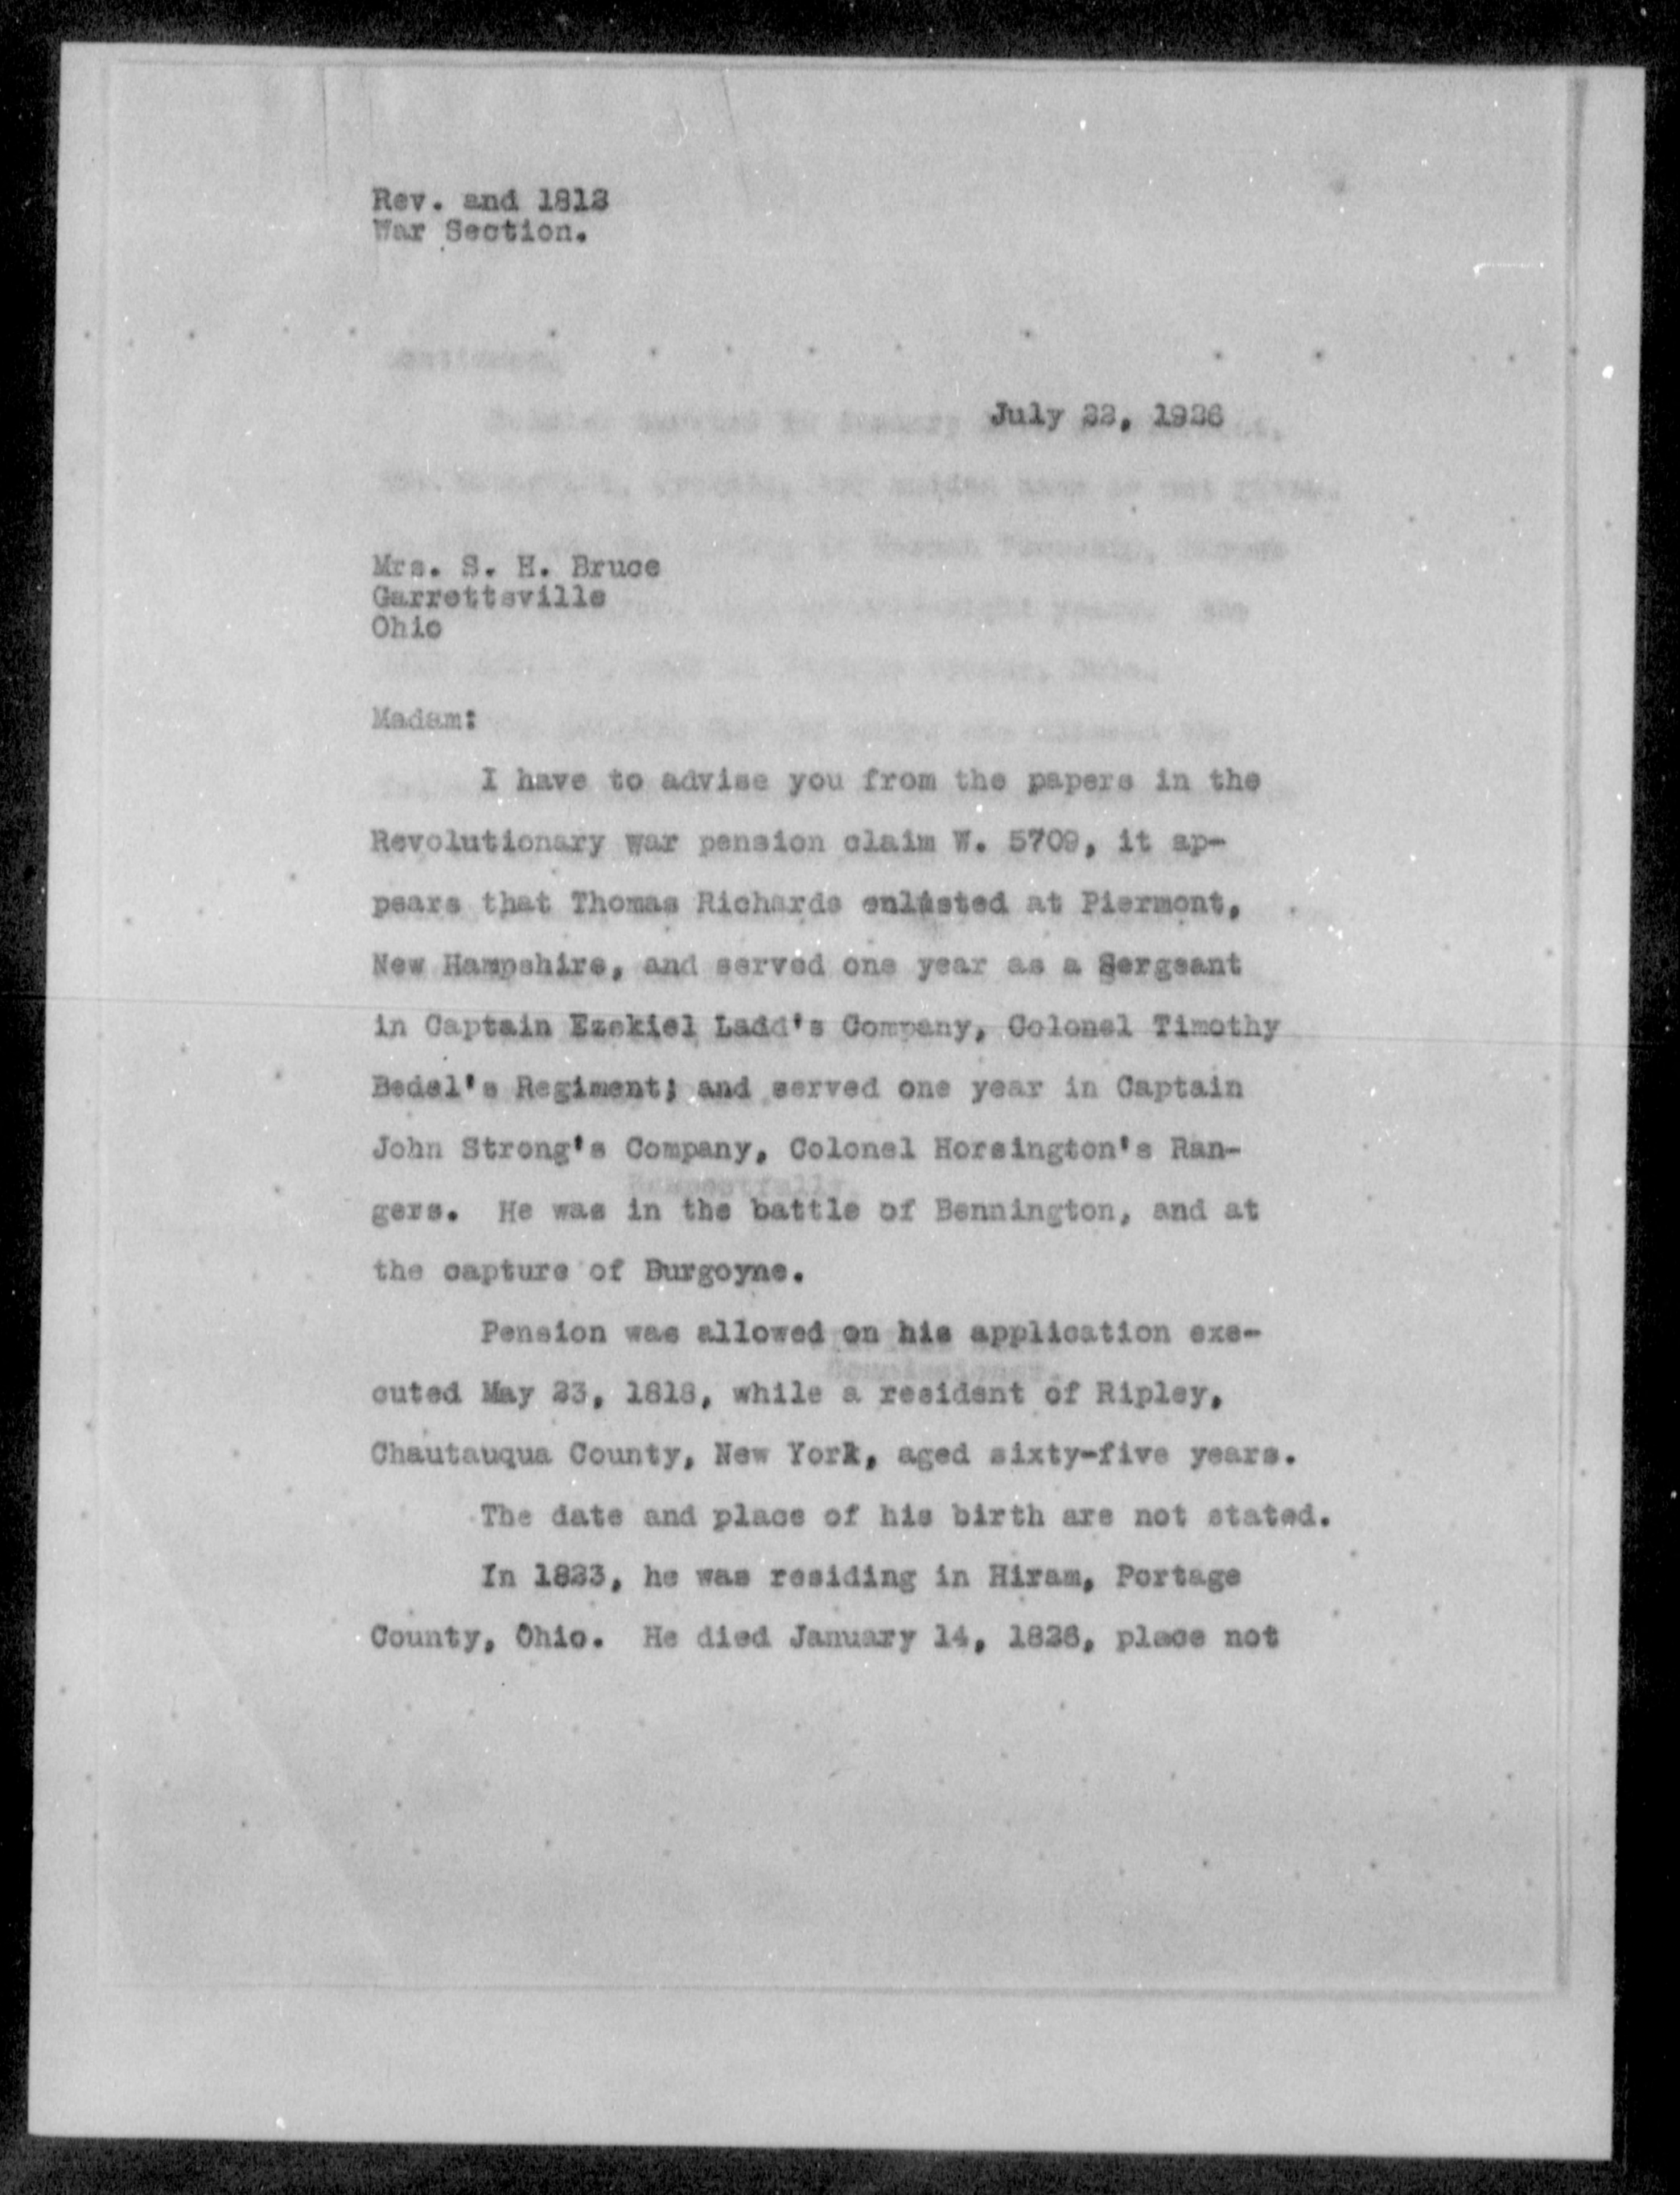Rev. [REVOLUTIONARY] and 1812
War Section.
July 22, 1936
Mrs. S. H. Bruce
Garrettsville
Ohio

Madam:
I have to advise you from the papers in the
Revolutionary War pension claim W. 5709, it appears that Thomas Richards enlisted at Piermont, New Hampshire, and served one year as a Sergeant in Captain Ezekiel Ladd's Company, Colonel Timothy Bedel's [BEADLE] Regiment, and served one year in Captain John Strong's Company, Colonel Horsington's [HOISINGTON] Rangers. He was in the battle of Bennington, and at the capture of Burgoyne.
Pension was allowed on his application executed May 23, 1818, while a resident of Ripley, Chautauqua County, New York, aged sixty-five years.
The date and place of his birth are not stated.
In 1823, he was residing in Hiram, Portage
County, Ohio. He died January 14, 1828, place not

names: S H Bruce; [BLANK] Horsington; Thomas Richards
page: 24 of 109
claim: widow's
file: W. 5709, for Thomas Richards, New Hampshire